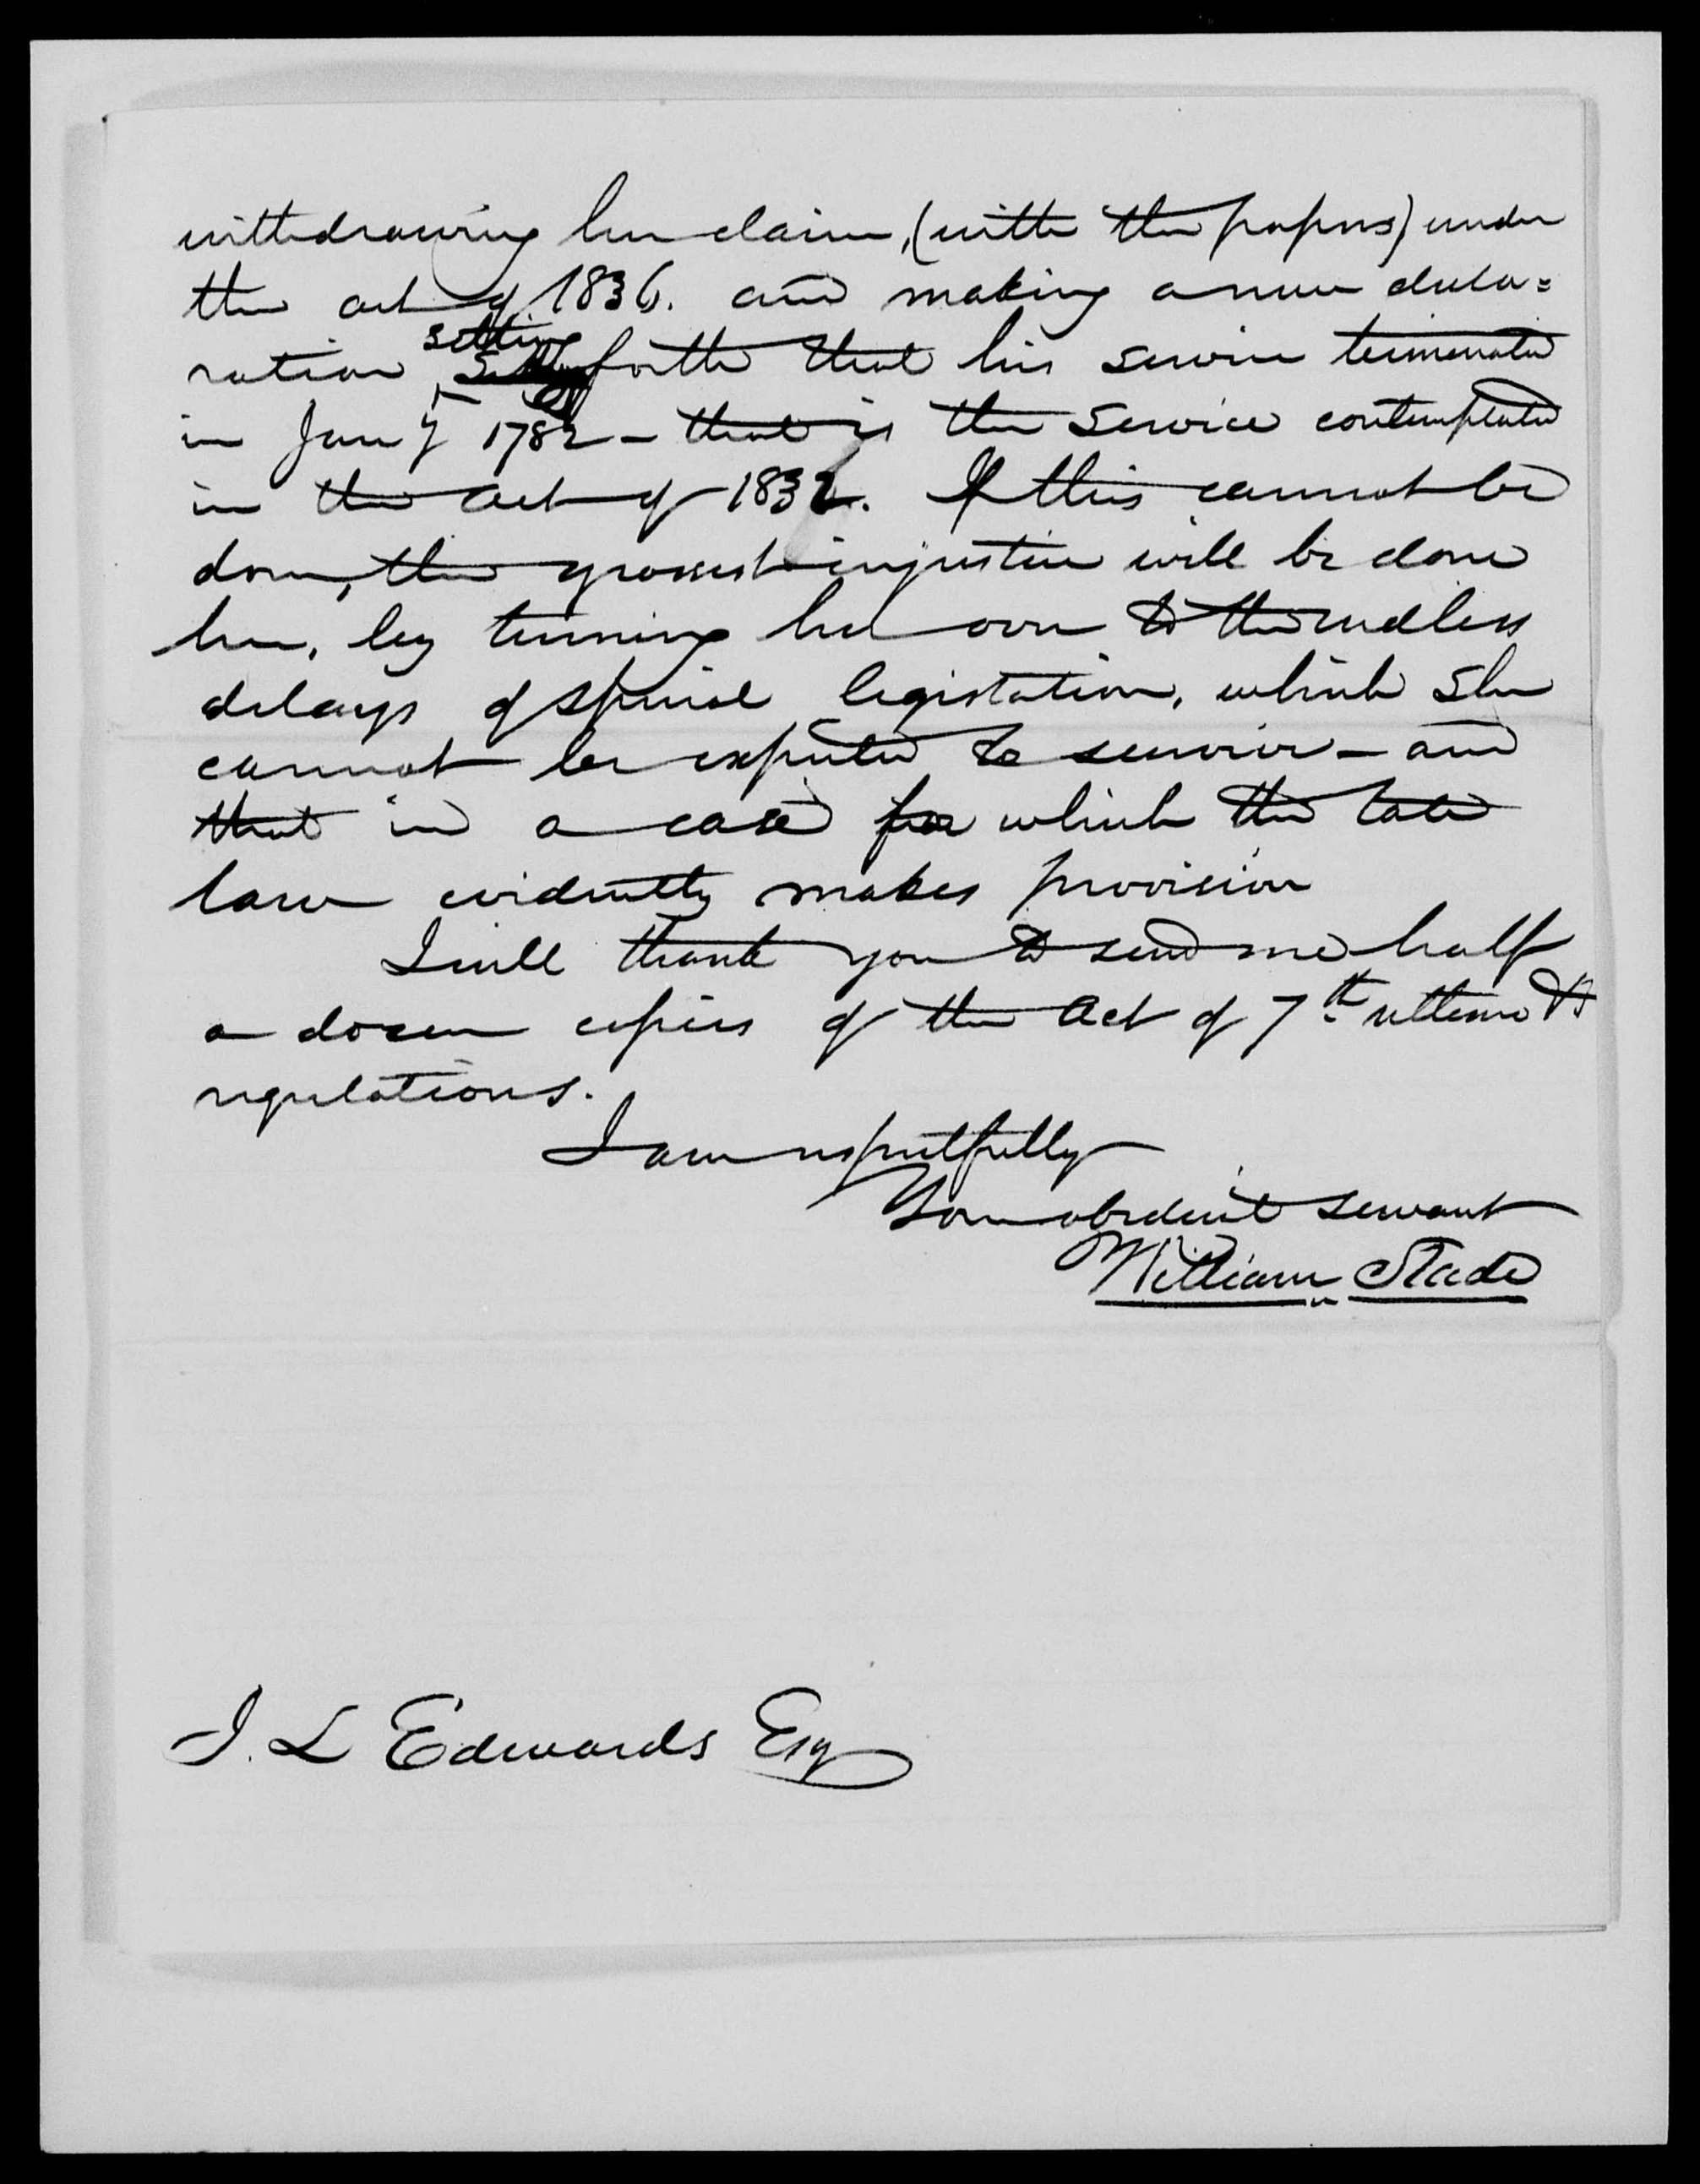withdrawing her claim, (with the papers) under the
act of 1836, and making a new declaration
setting forth that his service terminated
in July 1782 - that is the service contemplated
in the act of 1832. If this cannot be
done the worst injustice will be done
her,  by turning her over to the endless
delays of special legislation, which she
cannot be expected to survive and
that in a case which the late
law evidently makes provision
I will thank you to send me half
a dozen copies of the act of 7th [illegible] &
regulations
I am respectfully
Your obedient servant
William Slade
---
J. L Edwards Esq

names: William Slade, J L Edwards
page: 29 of 62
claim: widow's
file: W. 21391, Robert Holley, Conn.